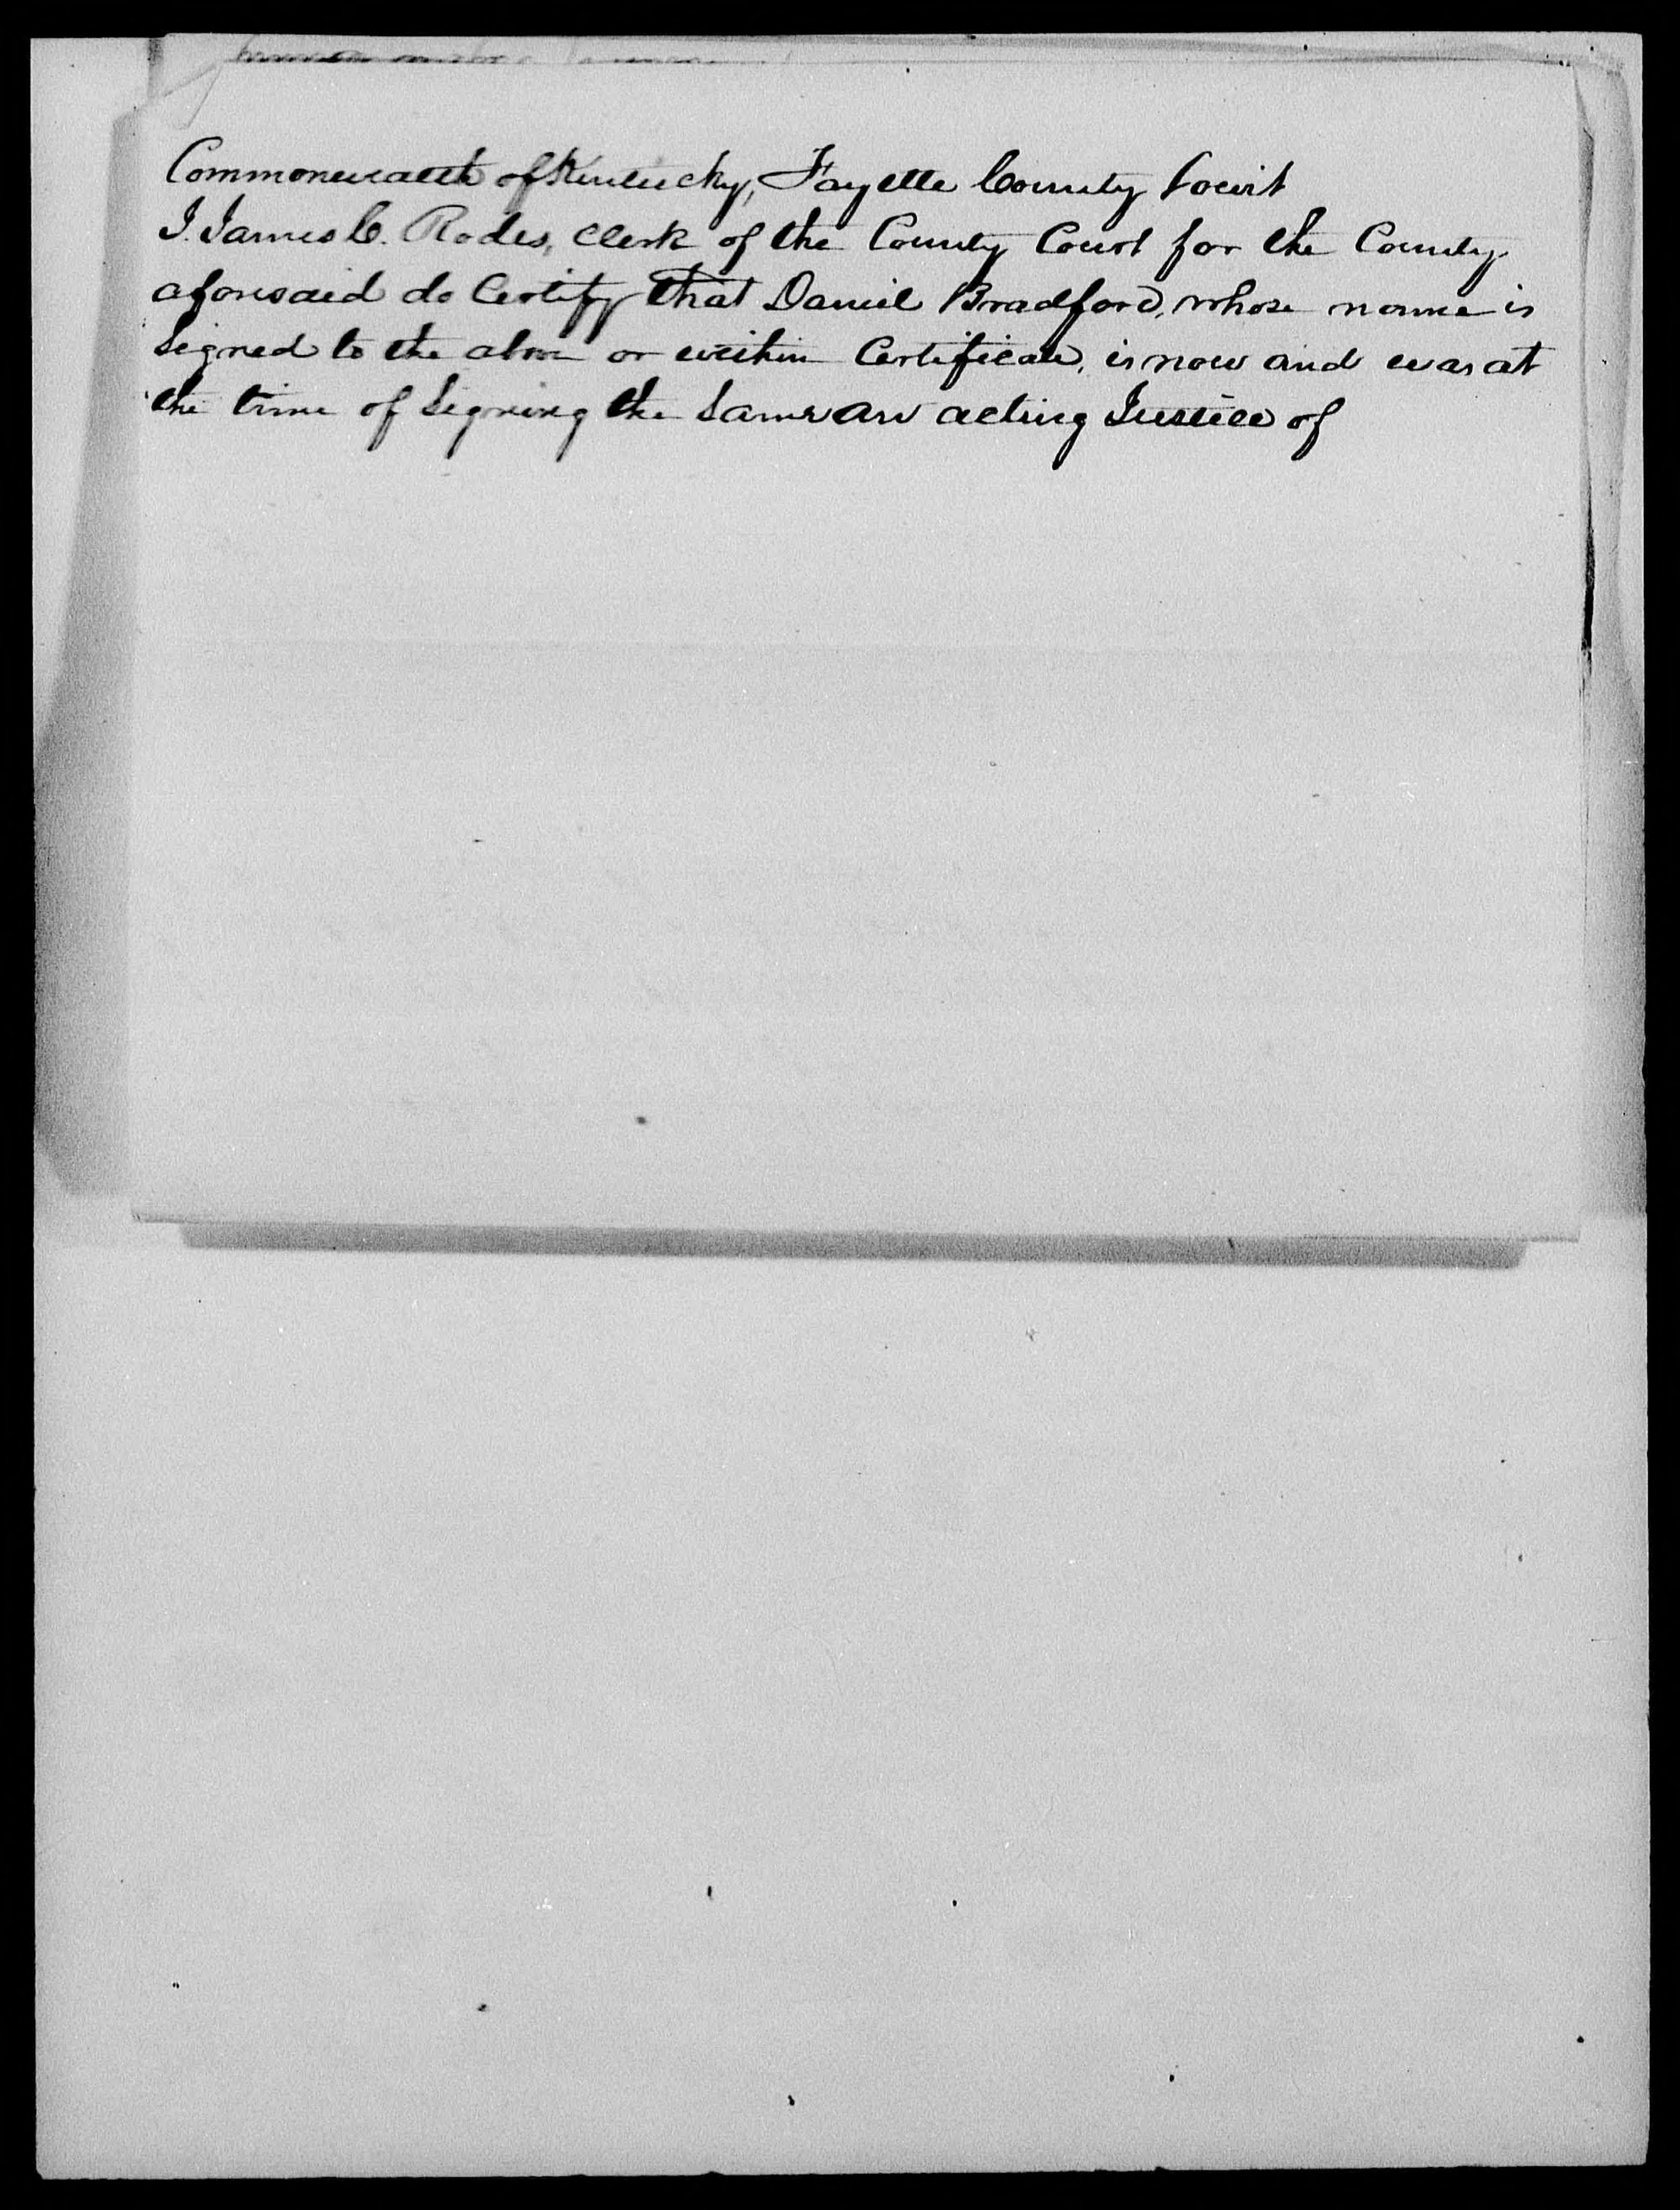Commonwealth of Kentucky, Fayette County Court
I, James C. Rodes, Clerk of the County Court for the County
aforesaid do certify that Daniel Bradford, whose name is
signed to the above or within Certificate, is now and was at
the time of signing the same an acting Justice of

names: James C Rodes, Daniel Bradford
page: 22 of 79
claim: rejected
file: R. 3863, Robert Gaines, Va.